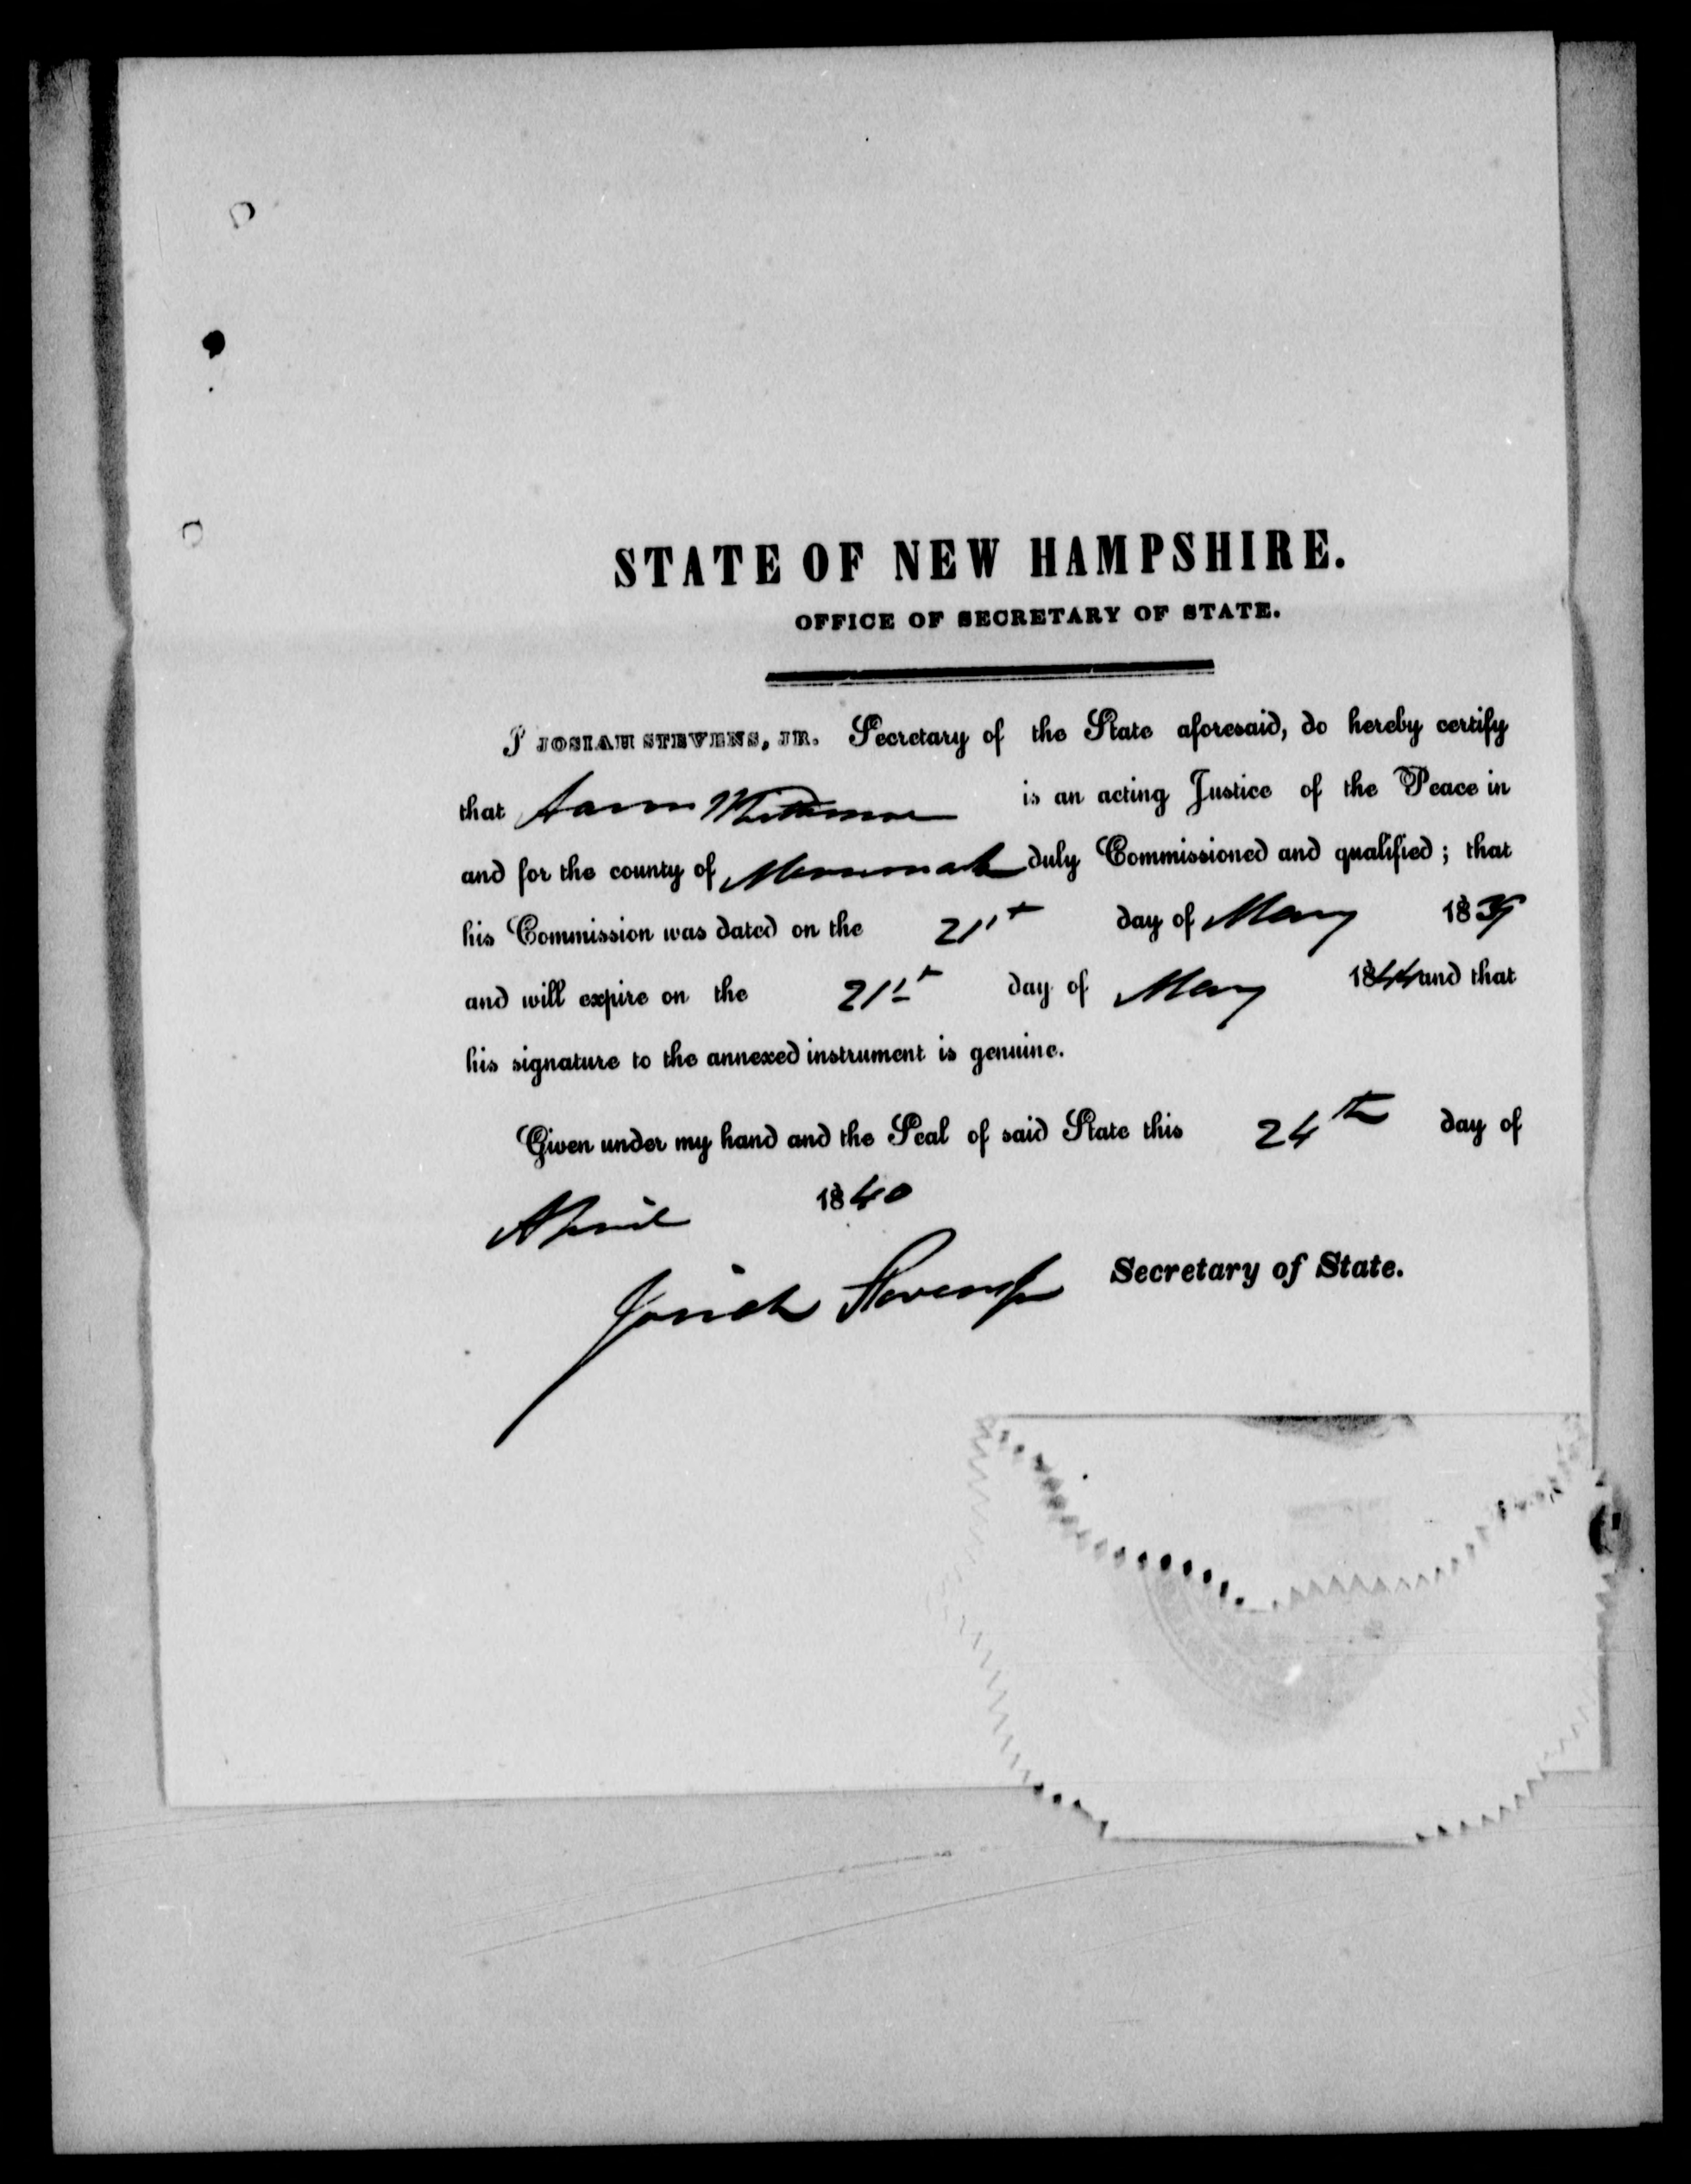STATE OF NEW HAMPSHIRE.
OFFICE OF SECRETARY OF STATE.
I, JOSIAH STEVENS, JR. Secretary of the State aforesaid, do hereby certify that Aaron Whitmore
is an acting Justice of the Peace in and for the County of Merrimack duly Commissioned and qualified; that his Commission was dated on the 21st day of May 1877 and will expire on the 21st day of May 1844 and that his signature to the annexed instrument is genuine.
Given under my hand and the Seal of said State of this 24th day of April 1840
Josiah Stevens Secretary of State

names: Josiah Stevens, Aaron Whittemore, Josiah Stevens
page: 10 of 24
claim: widow's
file: W. 16,451, Abraham True, N.H.